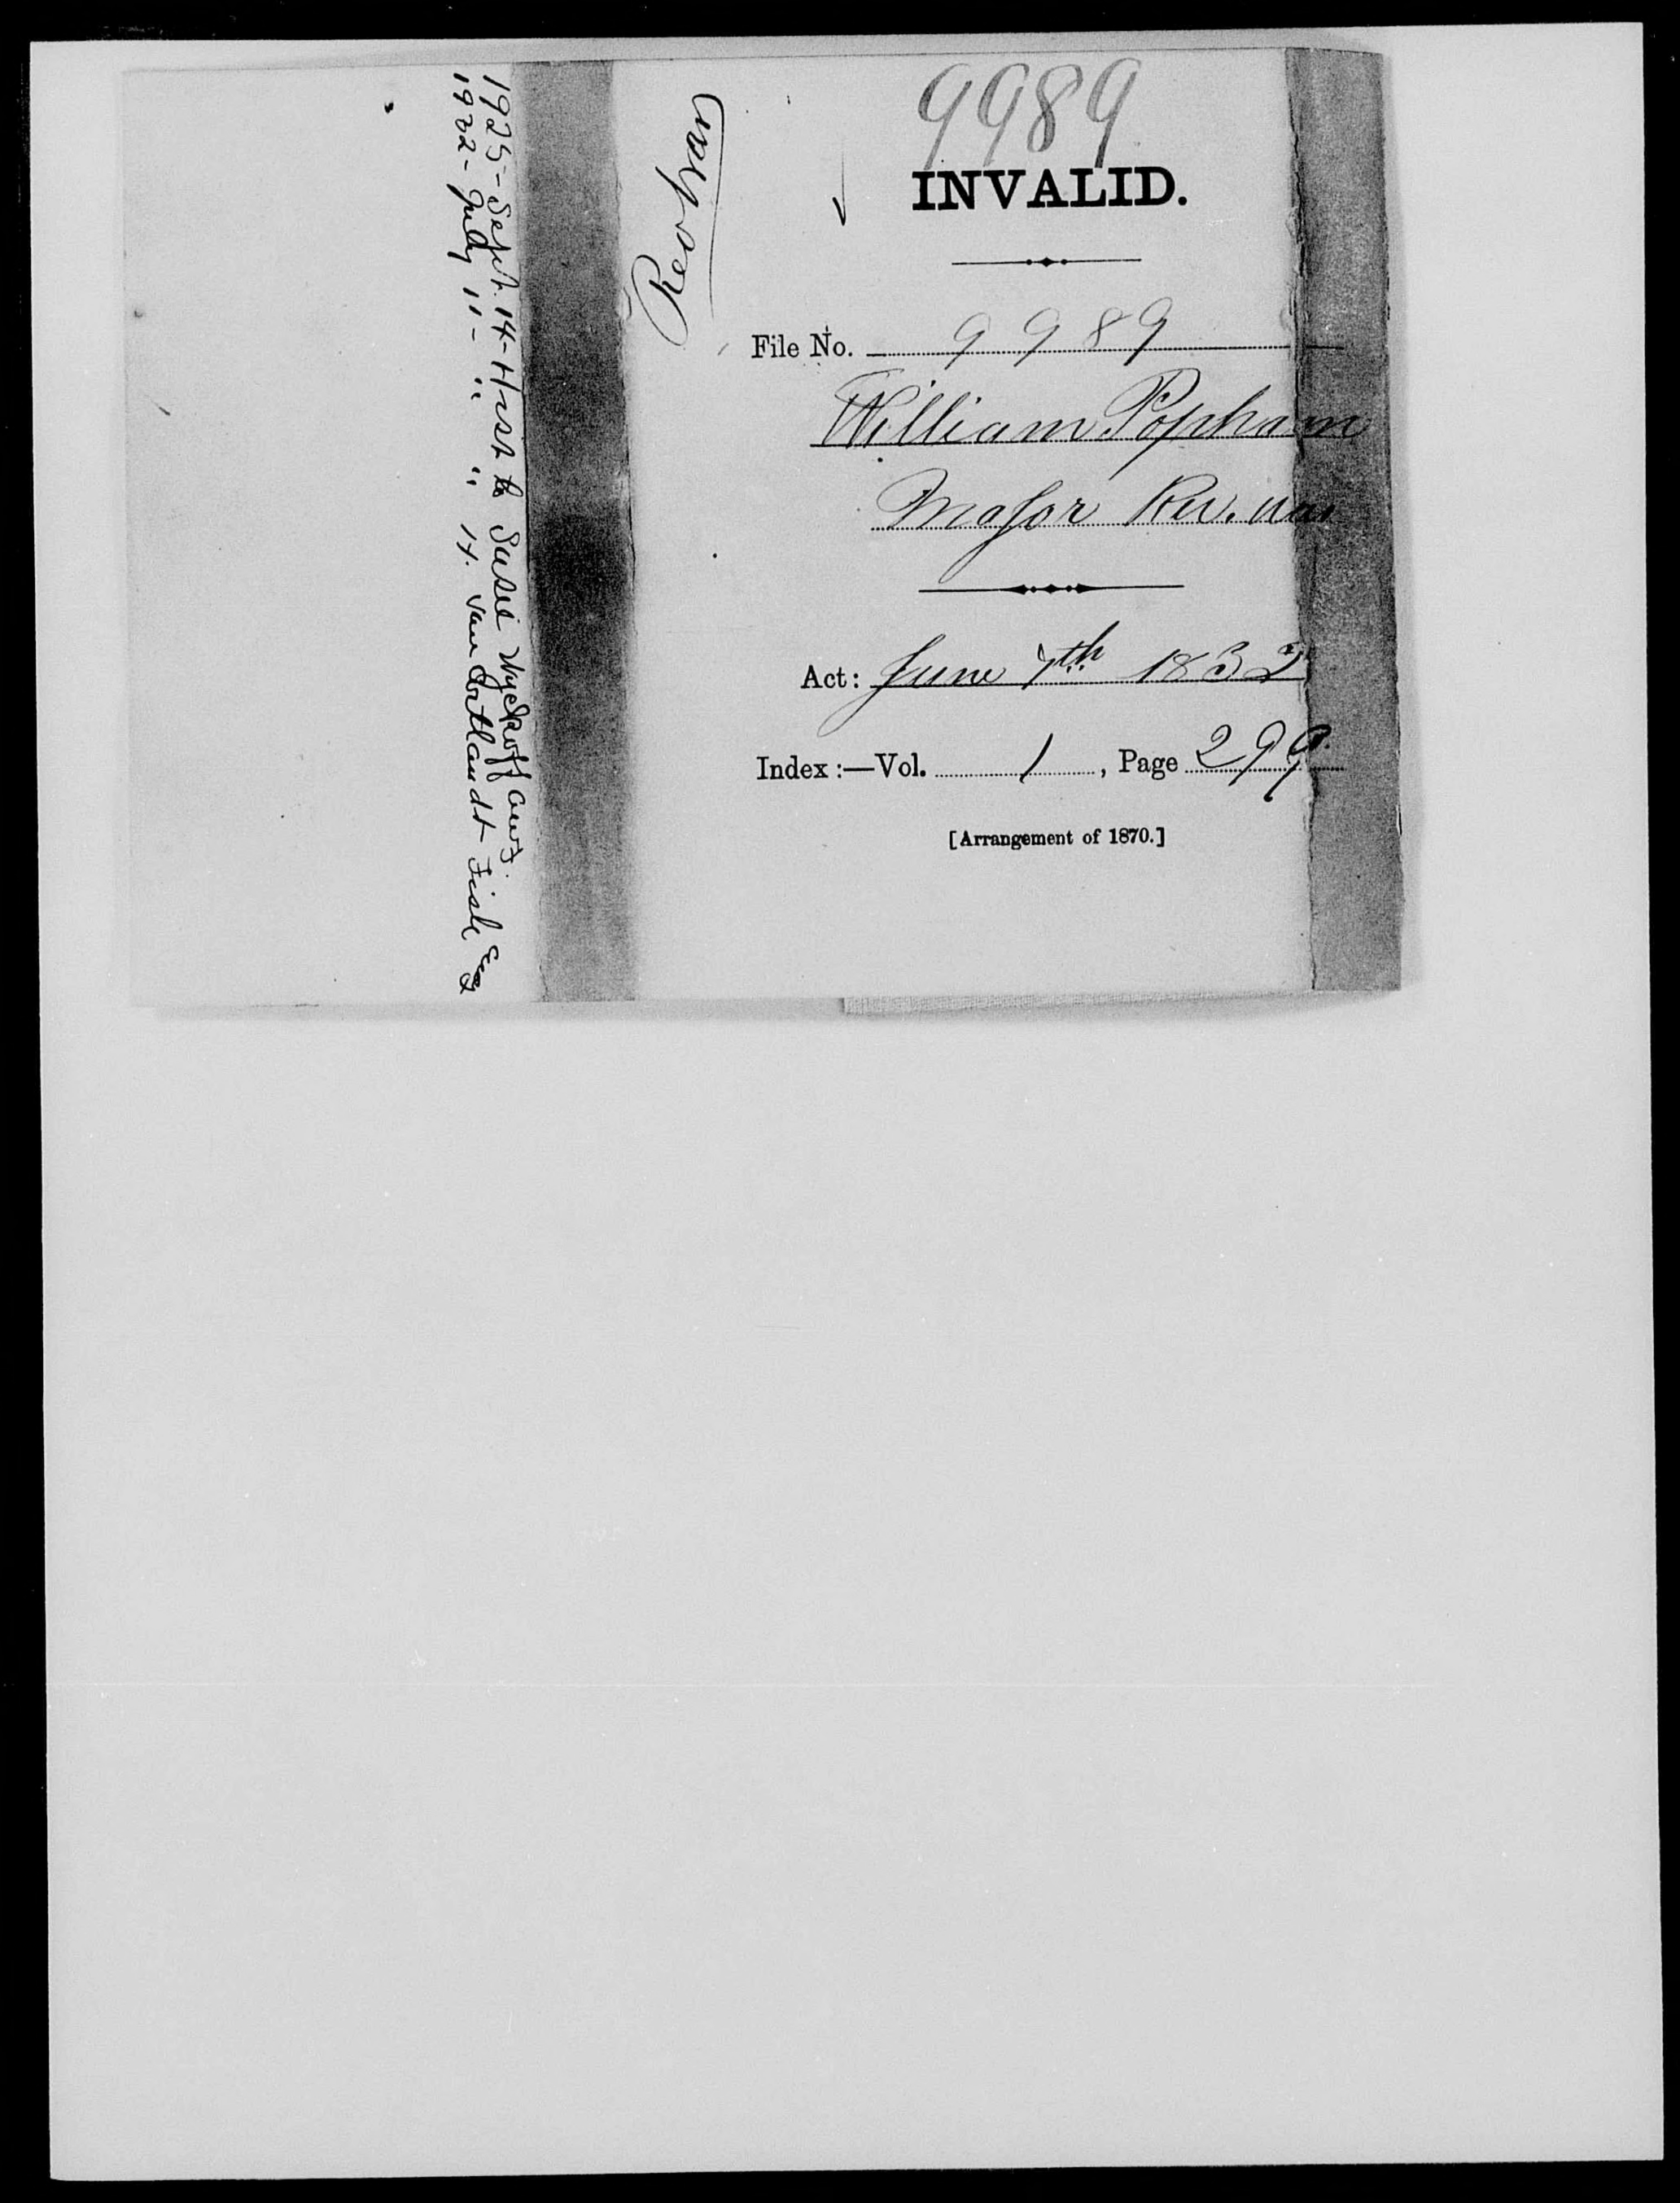1925 - Sept 14 - Hist to Susie Wyckoff awf
1932 - July 11 -  "        " H Van Cortlandt Fish cuoy

9989
INVALID.
File No. 9989
William PophaM
Major Rev.War
---
Act: June 7th 1832
Index: --Vol. 1, Page 299
[Arrangement of 1870.]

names: H Van Cortlandt Fish; William Popham; Susie Wyckoff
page: 12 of 75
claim: survivor's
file: S. 9989, for William Popham, Delaware